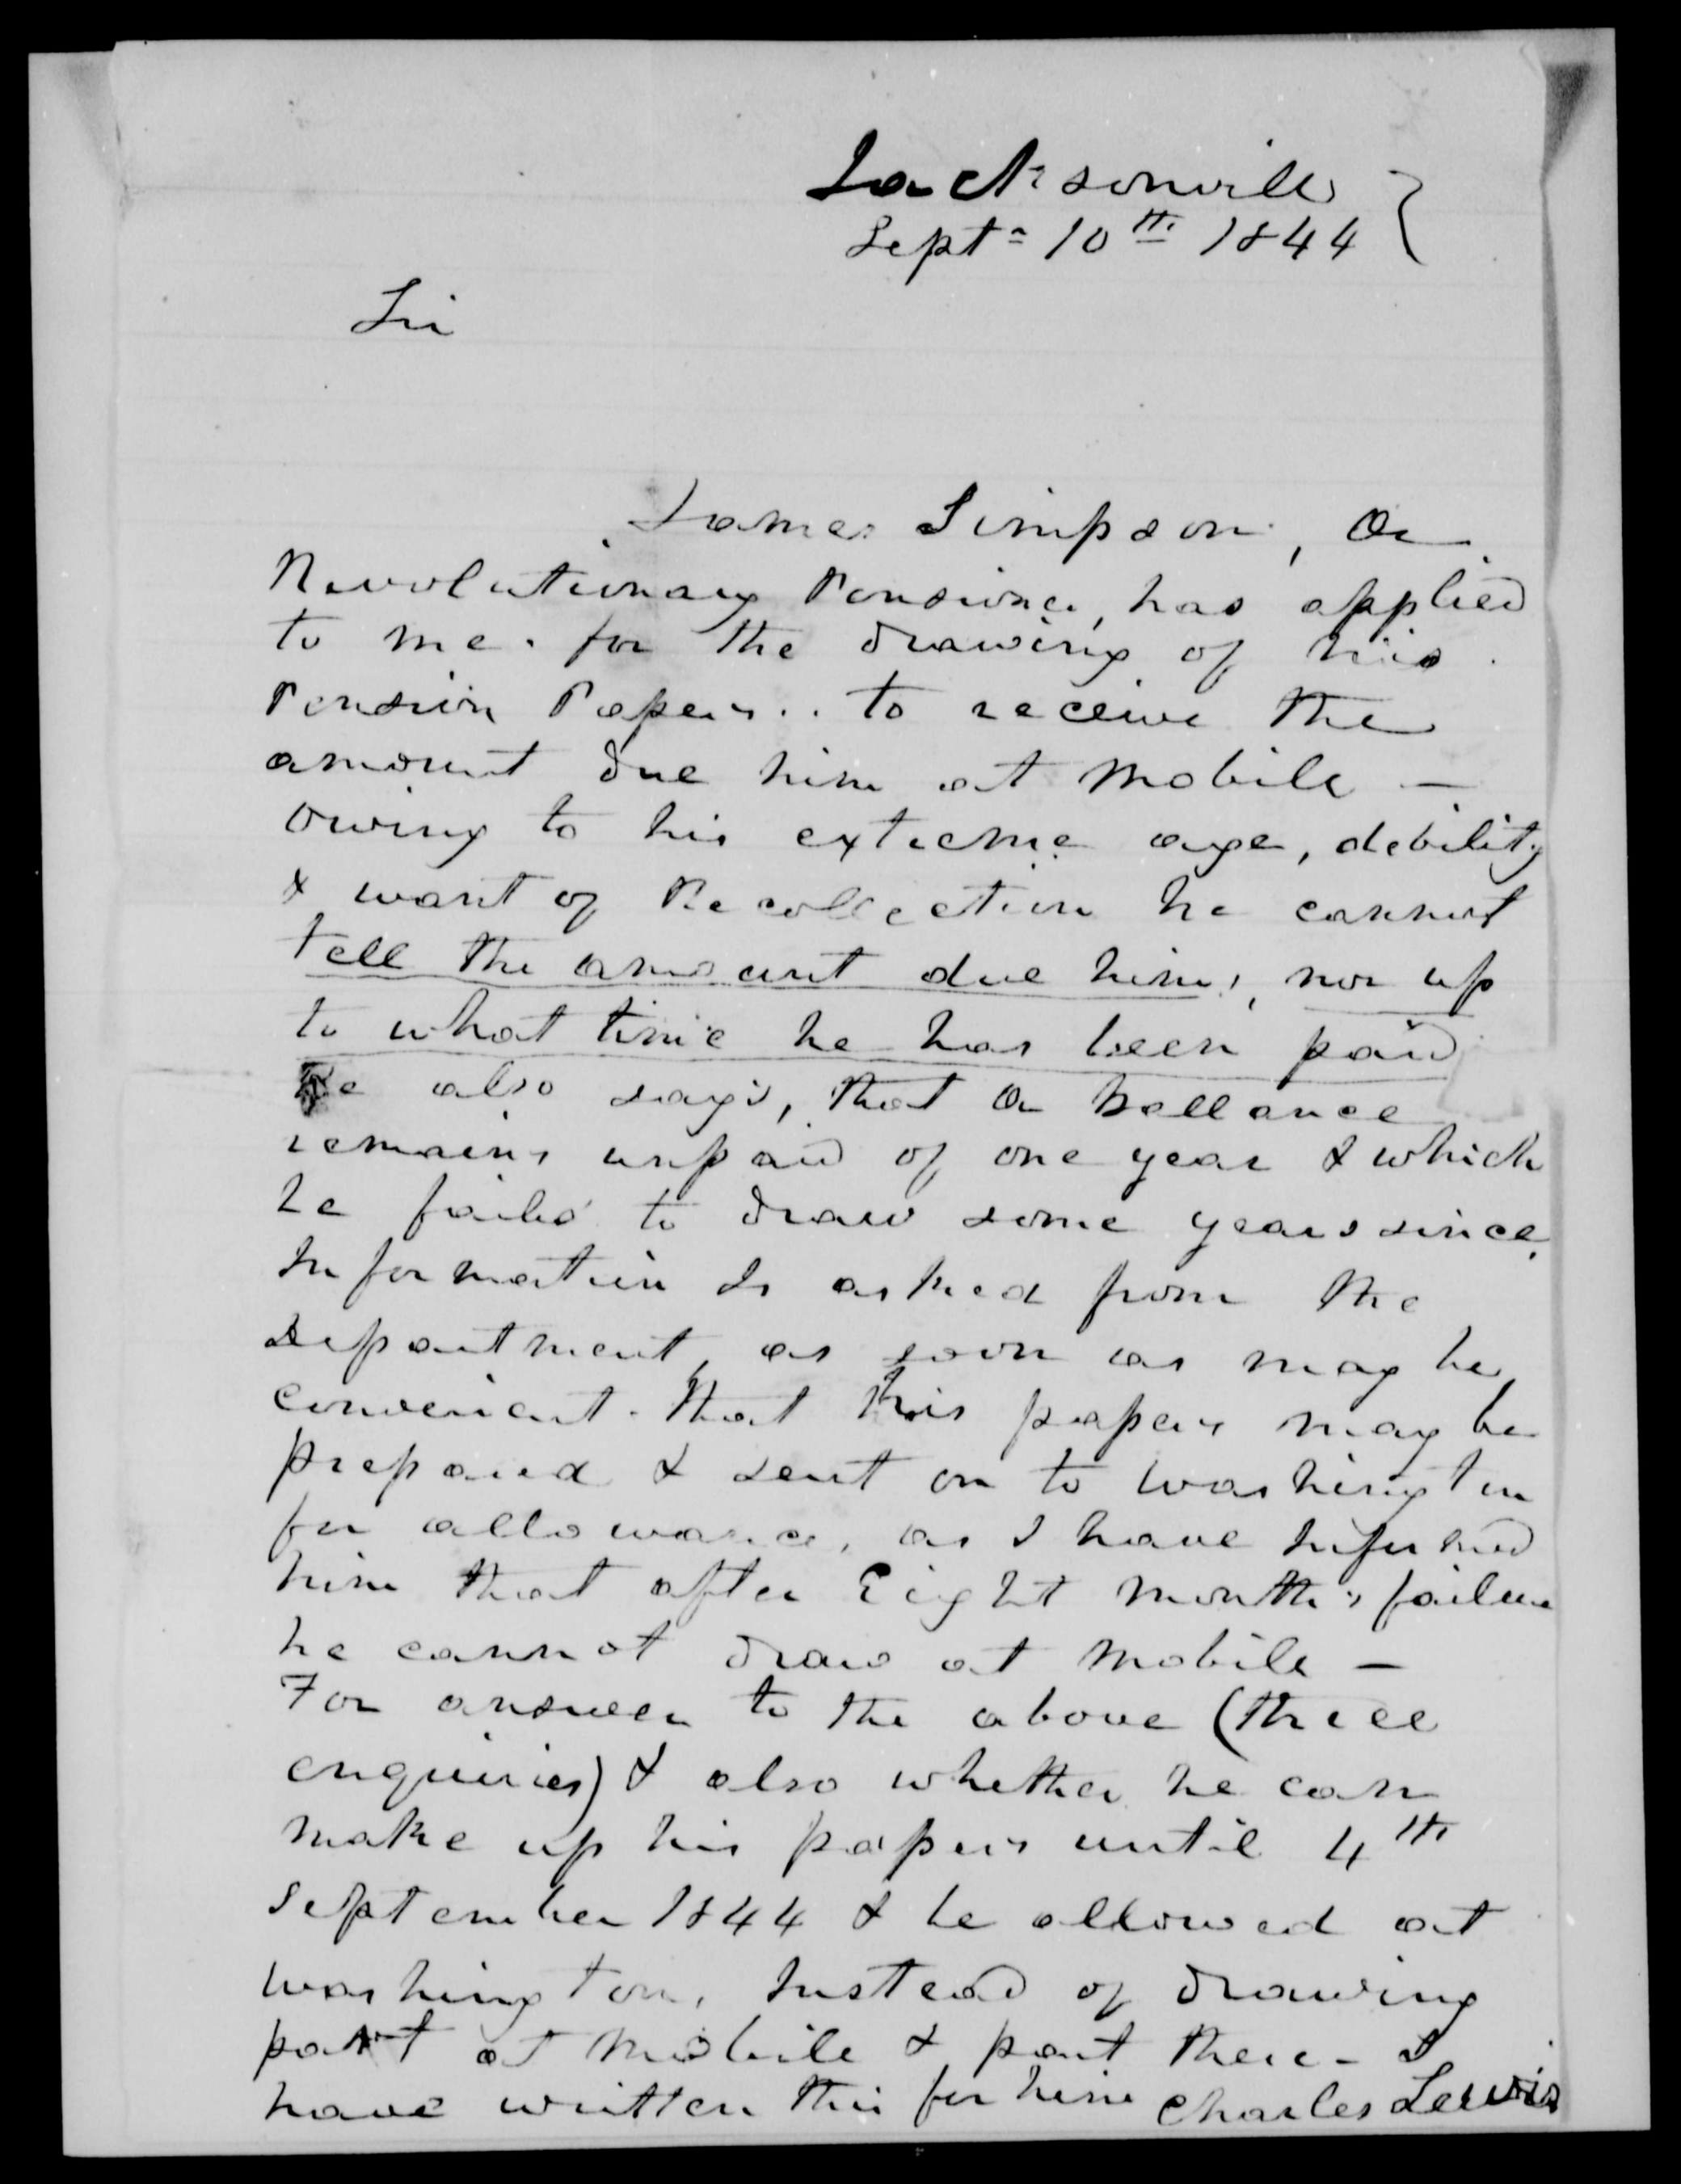Jacksonvill }
Septr 10th 1844}

Sir

James Simpson, a Revolutionary Pensioner, has applied to me, for the drawing of his Pension Papers.. to receive the amount due him at Mobile -- owing to his extreme age, debility & want of Recollection he cannot tell the amount due him, nor up to what time he has been paid  He also says, that a ballance remains unpaid of one year & which he fails to draw some years since.  Information is asked from the department, as soon as may be convenient.  That this paper may be prepared & sent on to Washington for allowance, as I have infurmed him that after Eight months failure he cannot draw at Mobile -- For answers to the above (three enquiries) & also whether he can make up his paper until 4th September 1844 & he allowed out Washington.  Instead of drawing part at Mobile & part there - I have written this for him 
   Charles Lewis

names: Charles Lewis; James Simpson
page: 16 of 17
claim: survivor's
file: S. 11401, for James Simpson, South Carolina